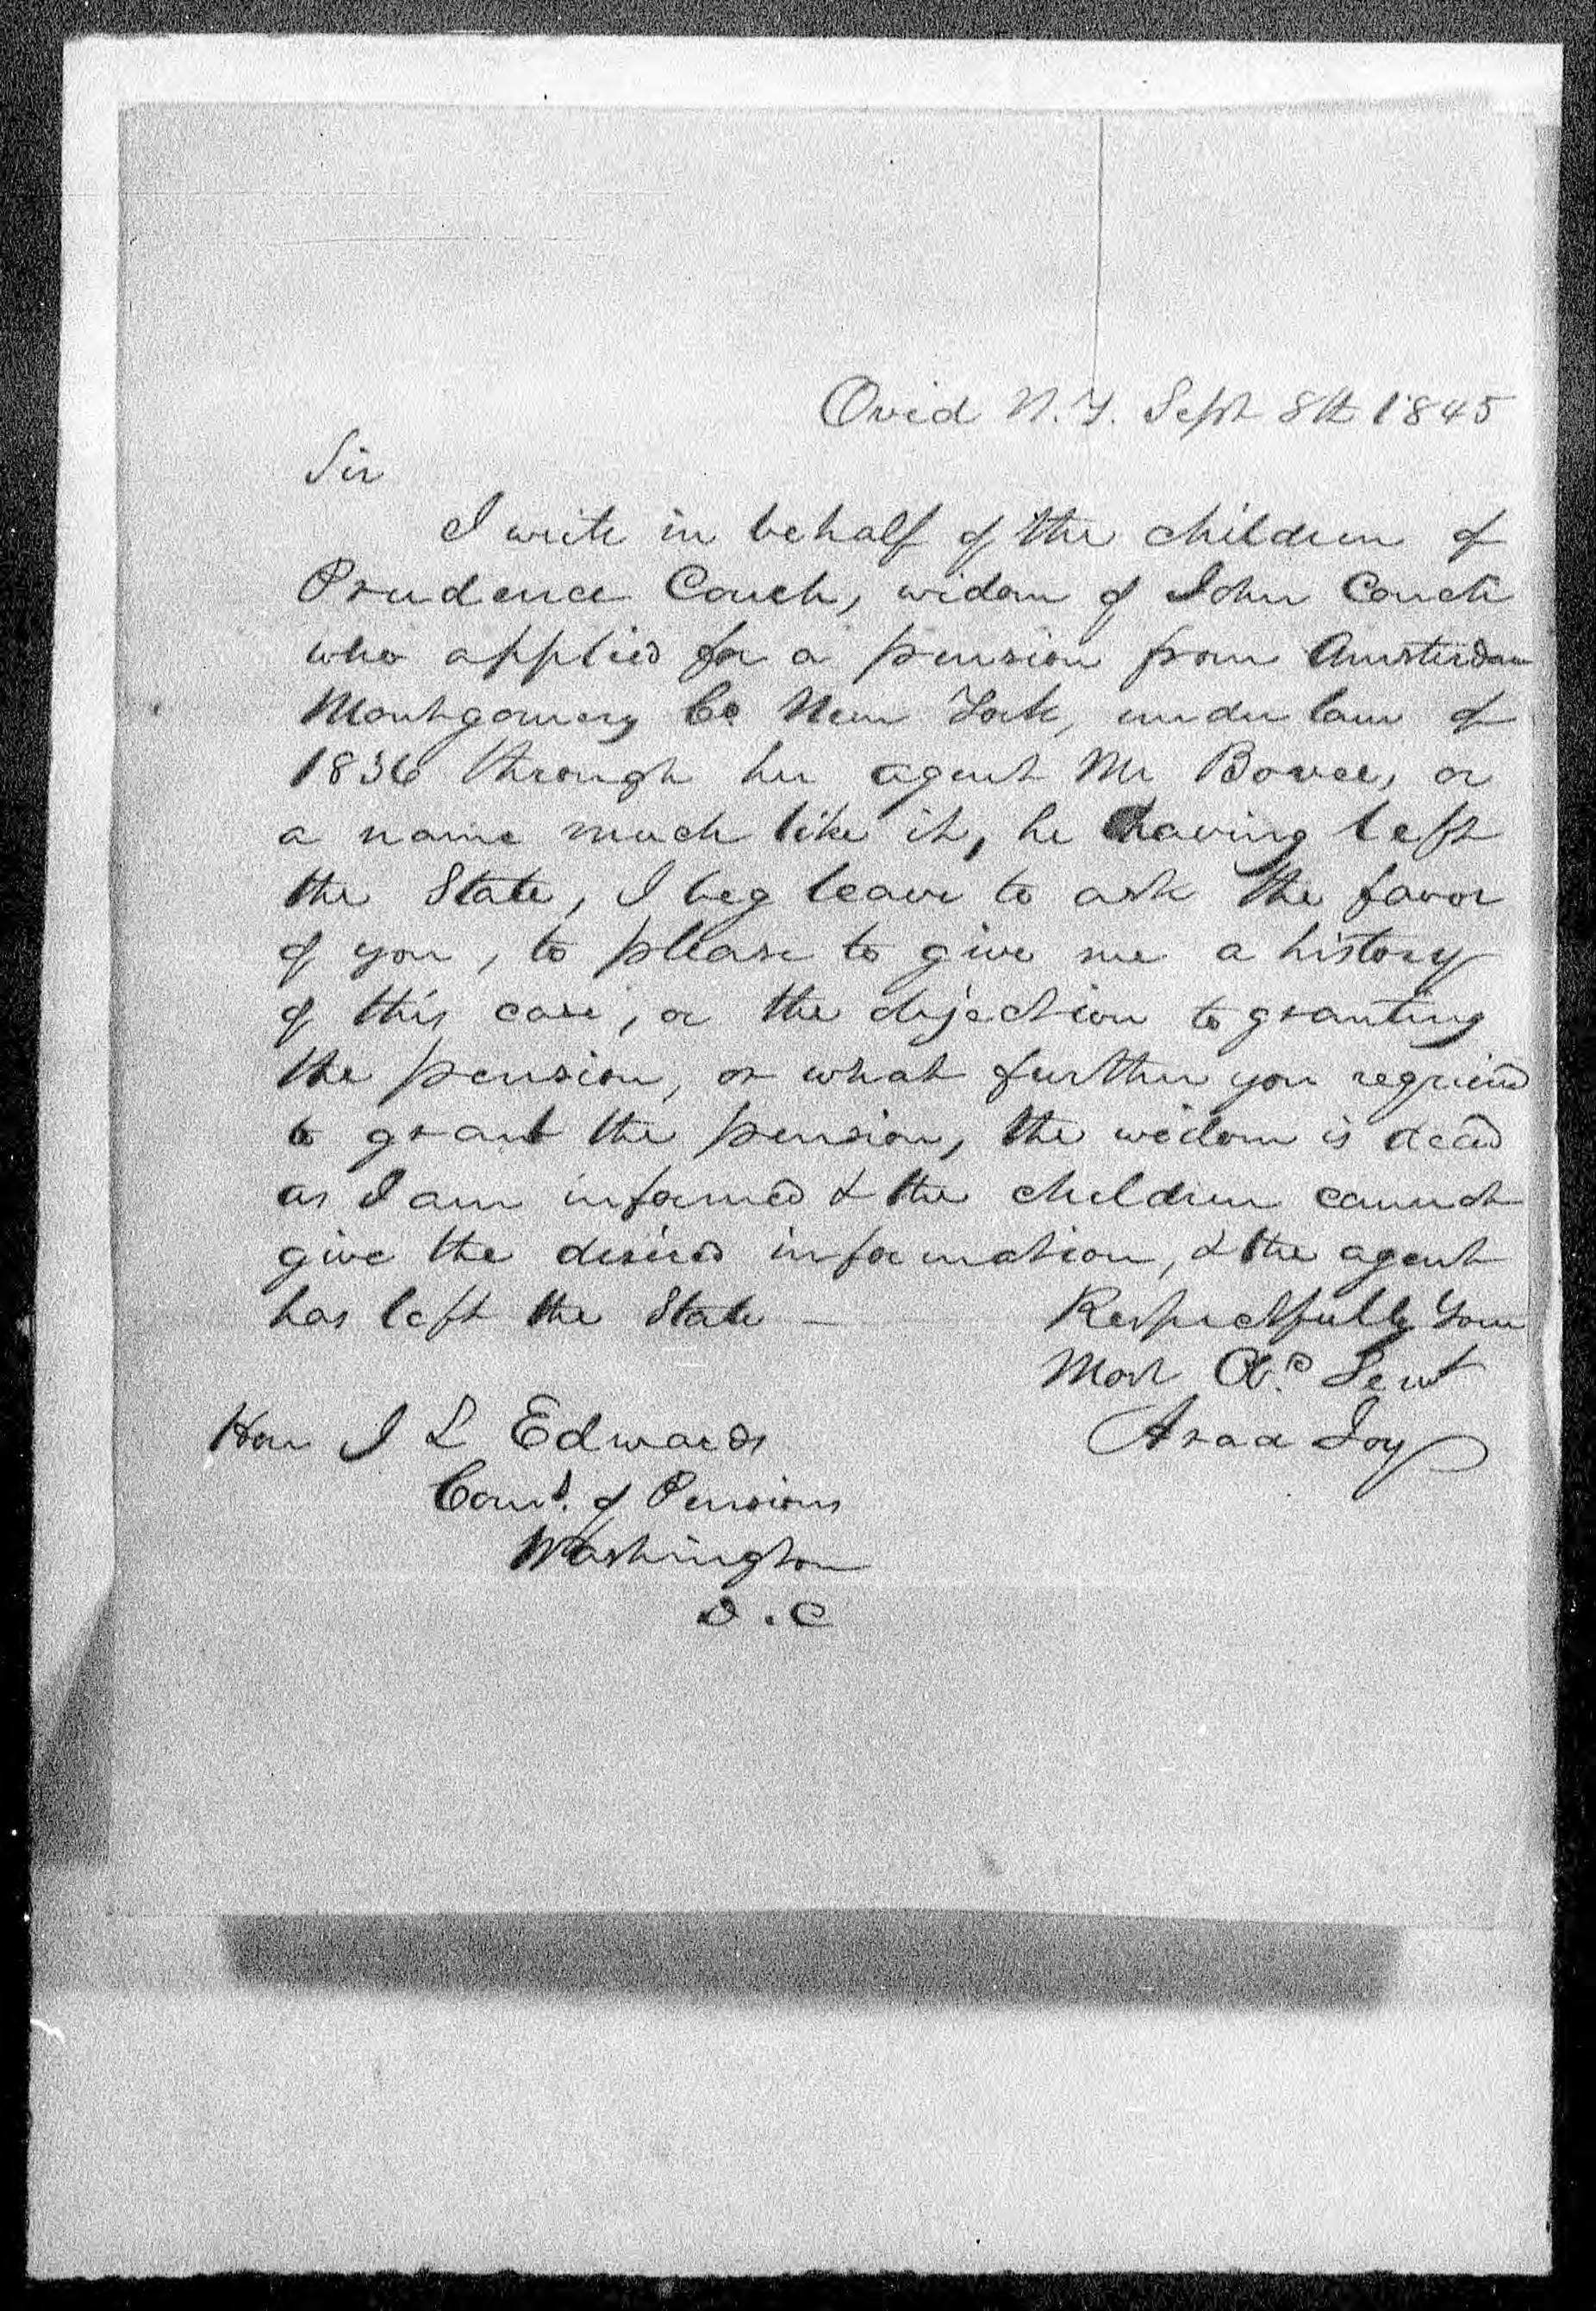Ovid N.Y. Sept 8th 1845
Sir
I write in behalf of the children of Prudence Couch, widow of John Couch who applied for a pension from Amsterdam Montgomery Co New York, under law of 1836 through her agent Mr. Bover, or a name much like it, he having left the State, I beg you leave to ask the favor of you, to please give me a history of this case, or the objection to granting the pension, or what further you may require to grant the pension, the widow is decd as I am informed & the children cannot give the desired information, & the agent has left the State.
Respectfully yours
Mon Ad Servt
Arad Joy

Hon J L Edwards
Coms of Pensions
Washington D.C.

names: Prudence Couch, Bovee, J L Edwards, John Couch, Arad Joy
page: 37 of 68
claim: rejected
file: R. 2,360, John Couch, Conn.